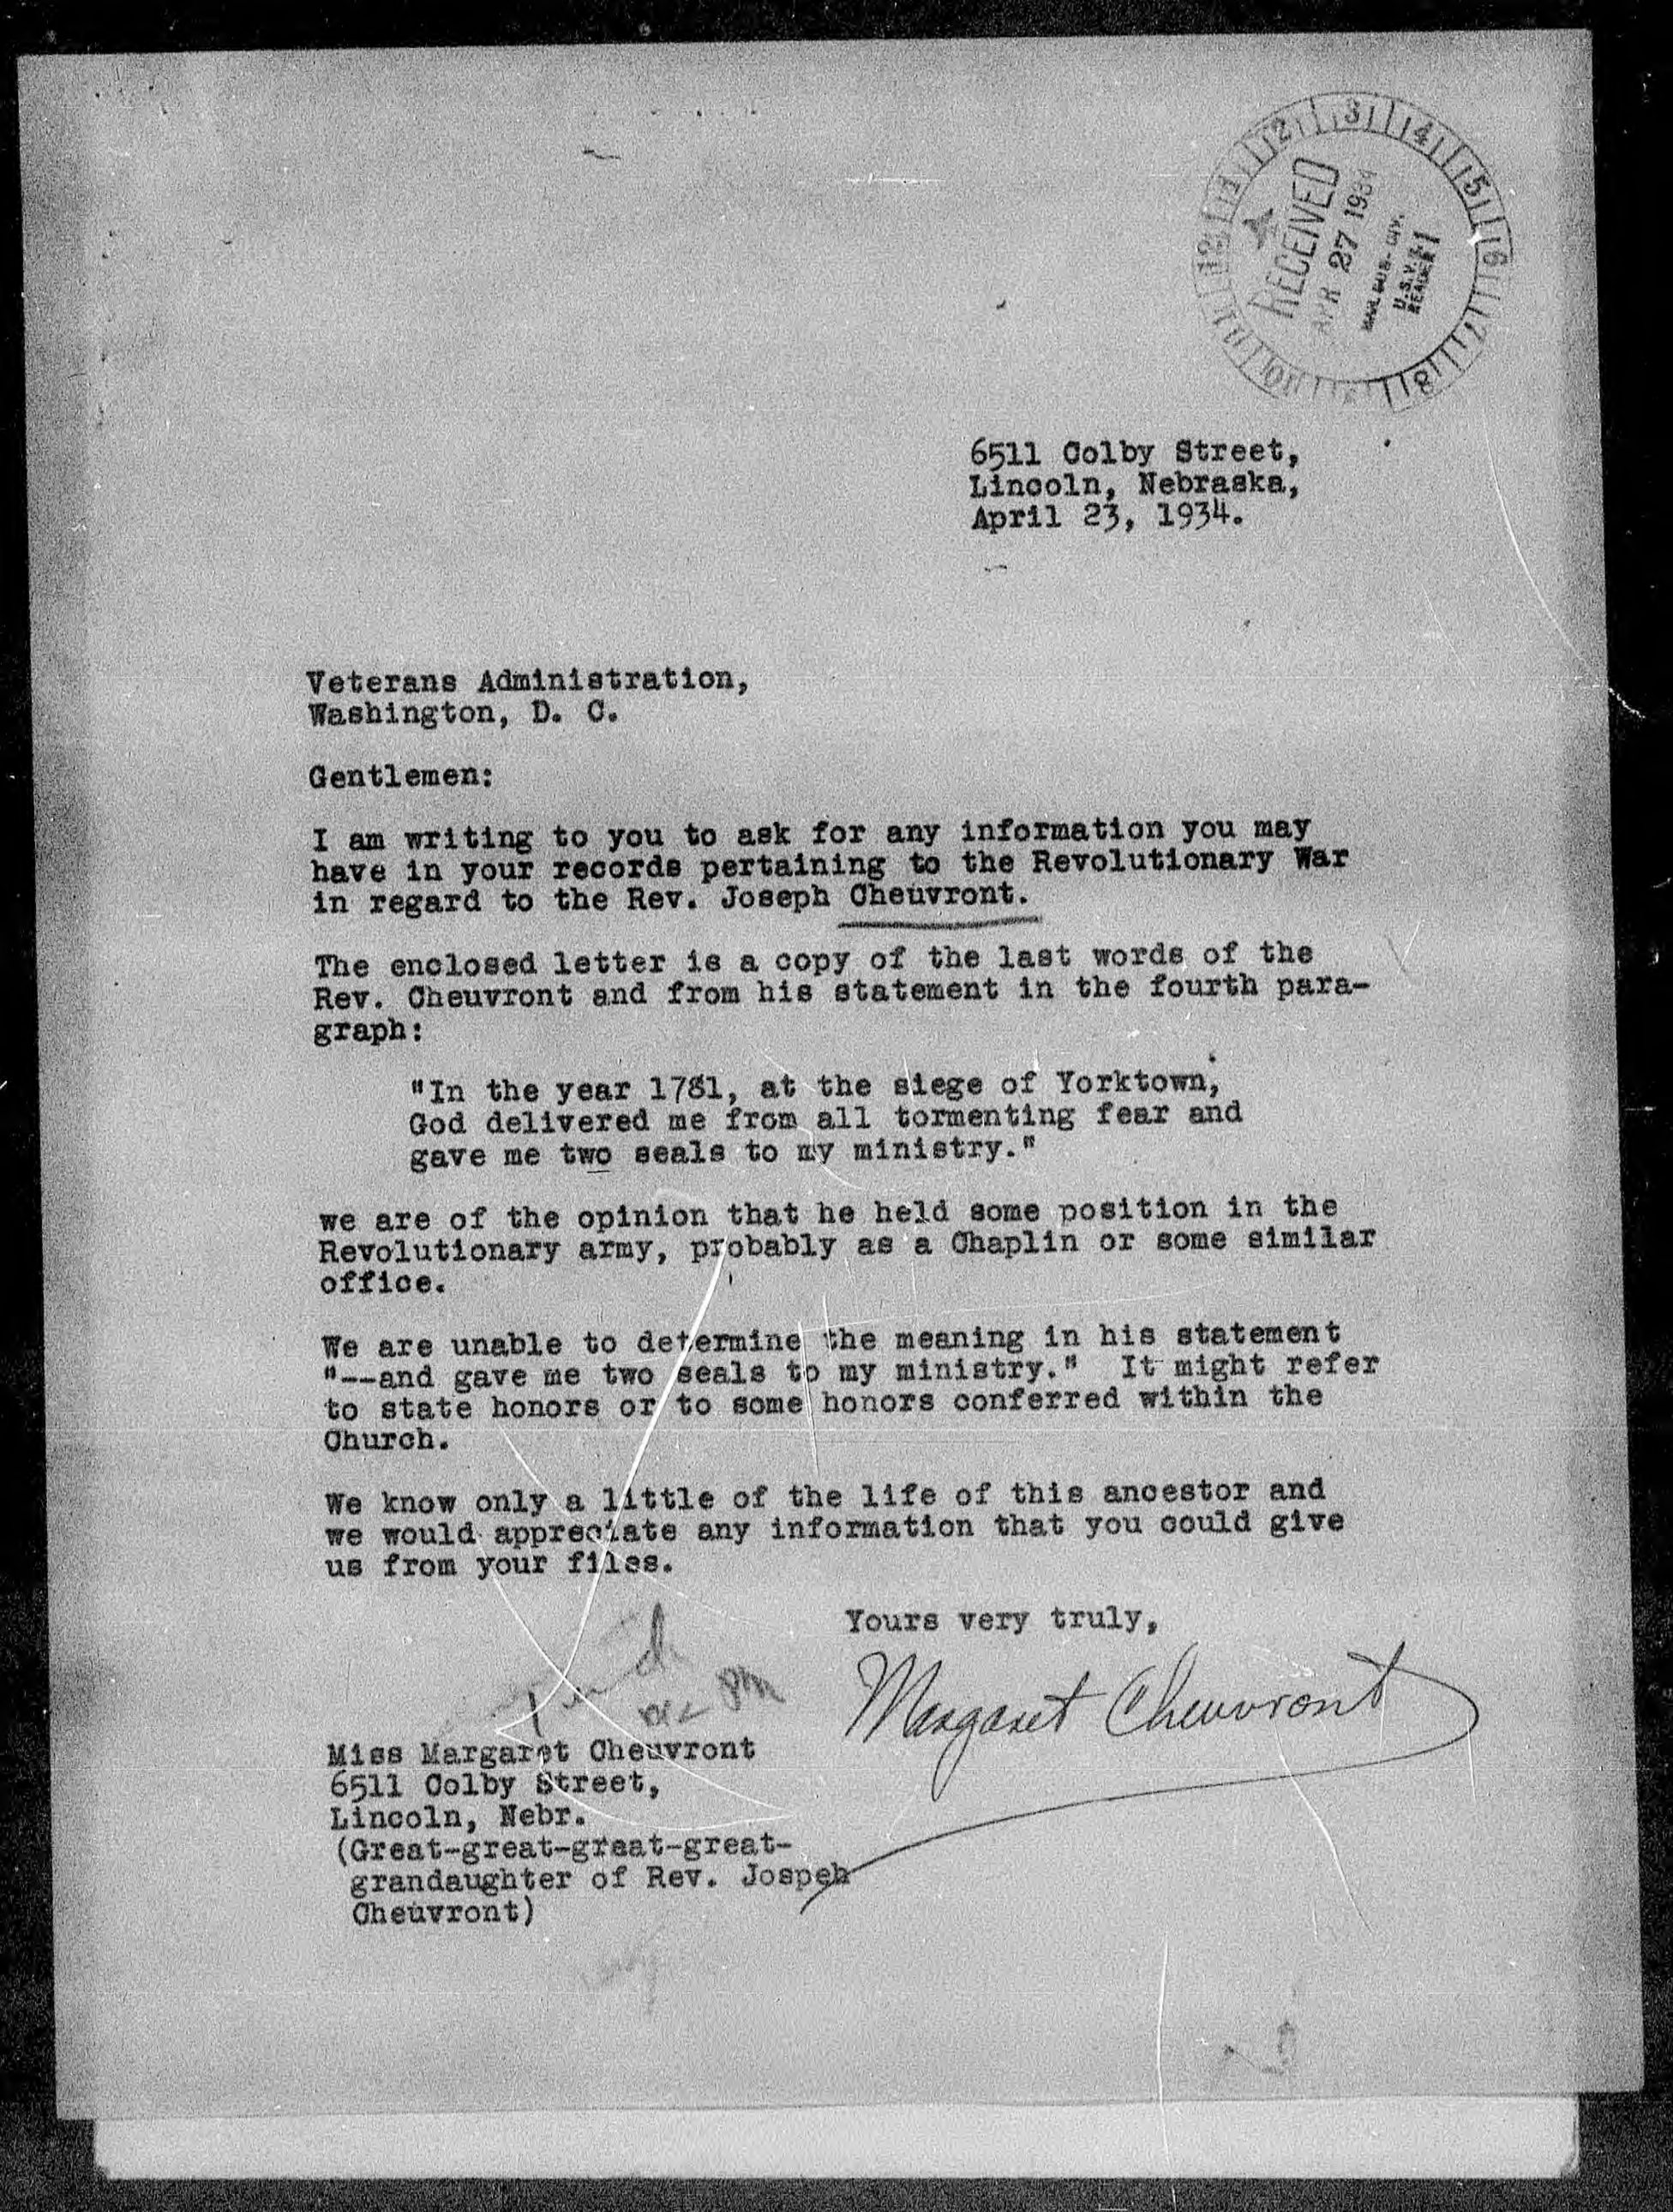[stamp] Received Apr 27, 1934 [rest illegible]
6511 Colby Street, Lincoln, Nebraska,
April 23, 1934.
Veterans Administration, Washington, D. C.
Gentlemen;
I am writing to you to ask for any information you may have in your records pertaining to the Revolutionary War in regard to the Rev. Joseph Cheuvront.
The enclosed letter is a copy of the last words of the Rev. Cheuvront and from his statement in the fourth paragraph:
"In the year 1781, at the siege of Yorktown, God delivered me from all tormenting fear and gave me two seals to my ministry."
We are of the opinion that he held some position in the Revolutionary army, probably as a Chaplin or some similar office.
We are unable to determine the meaning in his statement "--and gave me two seals to my ministry." It might refer to state honors or to some honors conferred within the Church.
We know only a little of the life of this ancestor and we would appreciate any information that you could give us from your files.
Yours very truly,
[signature] Margaret Cheuvront
Miss Margaret Cheuvront
6511 Colby Street,
Lincoln, Nebr. [Nebraska]
(Great-great-great-great-grandaughter of Rev. Jospeh [Joseph] Cheuvront)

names: Margaret Cheuvront, Cheuvront, Joseph Cheuvront, Joseph Cheuvront, Margaret Cheuvront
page: 13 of 21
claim: rejected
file: R. 1,907, Joseph Cheuvront, Va.